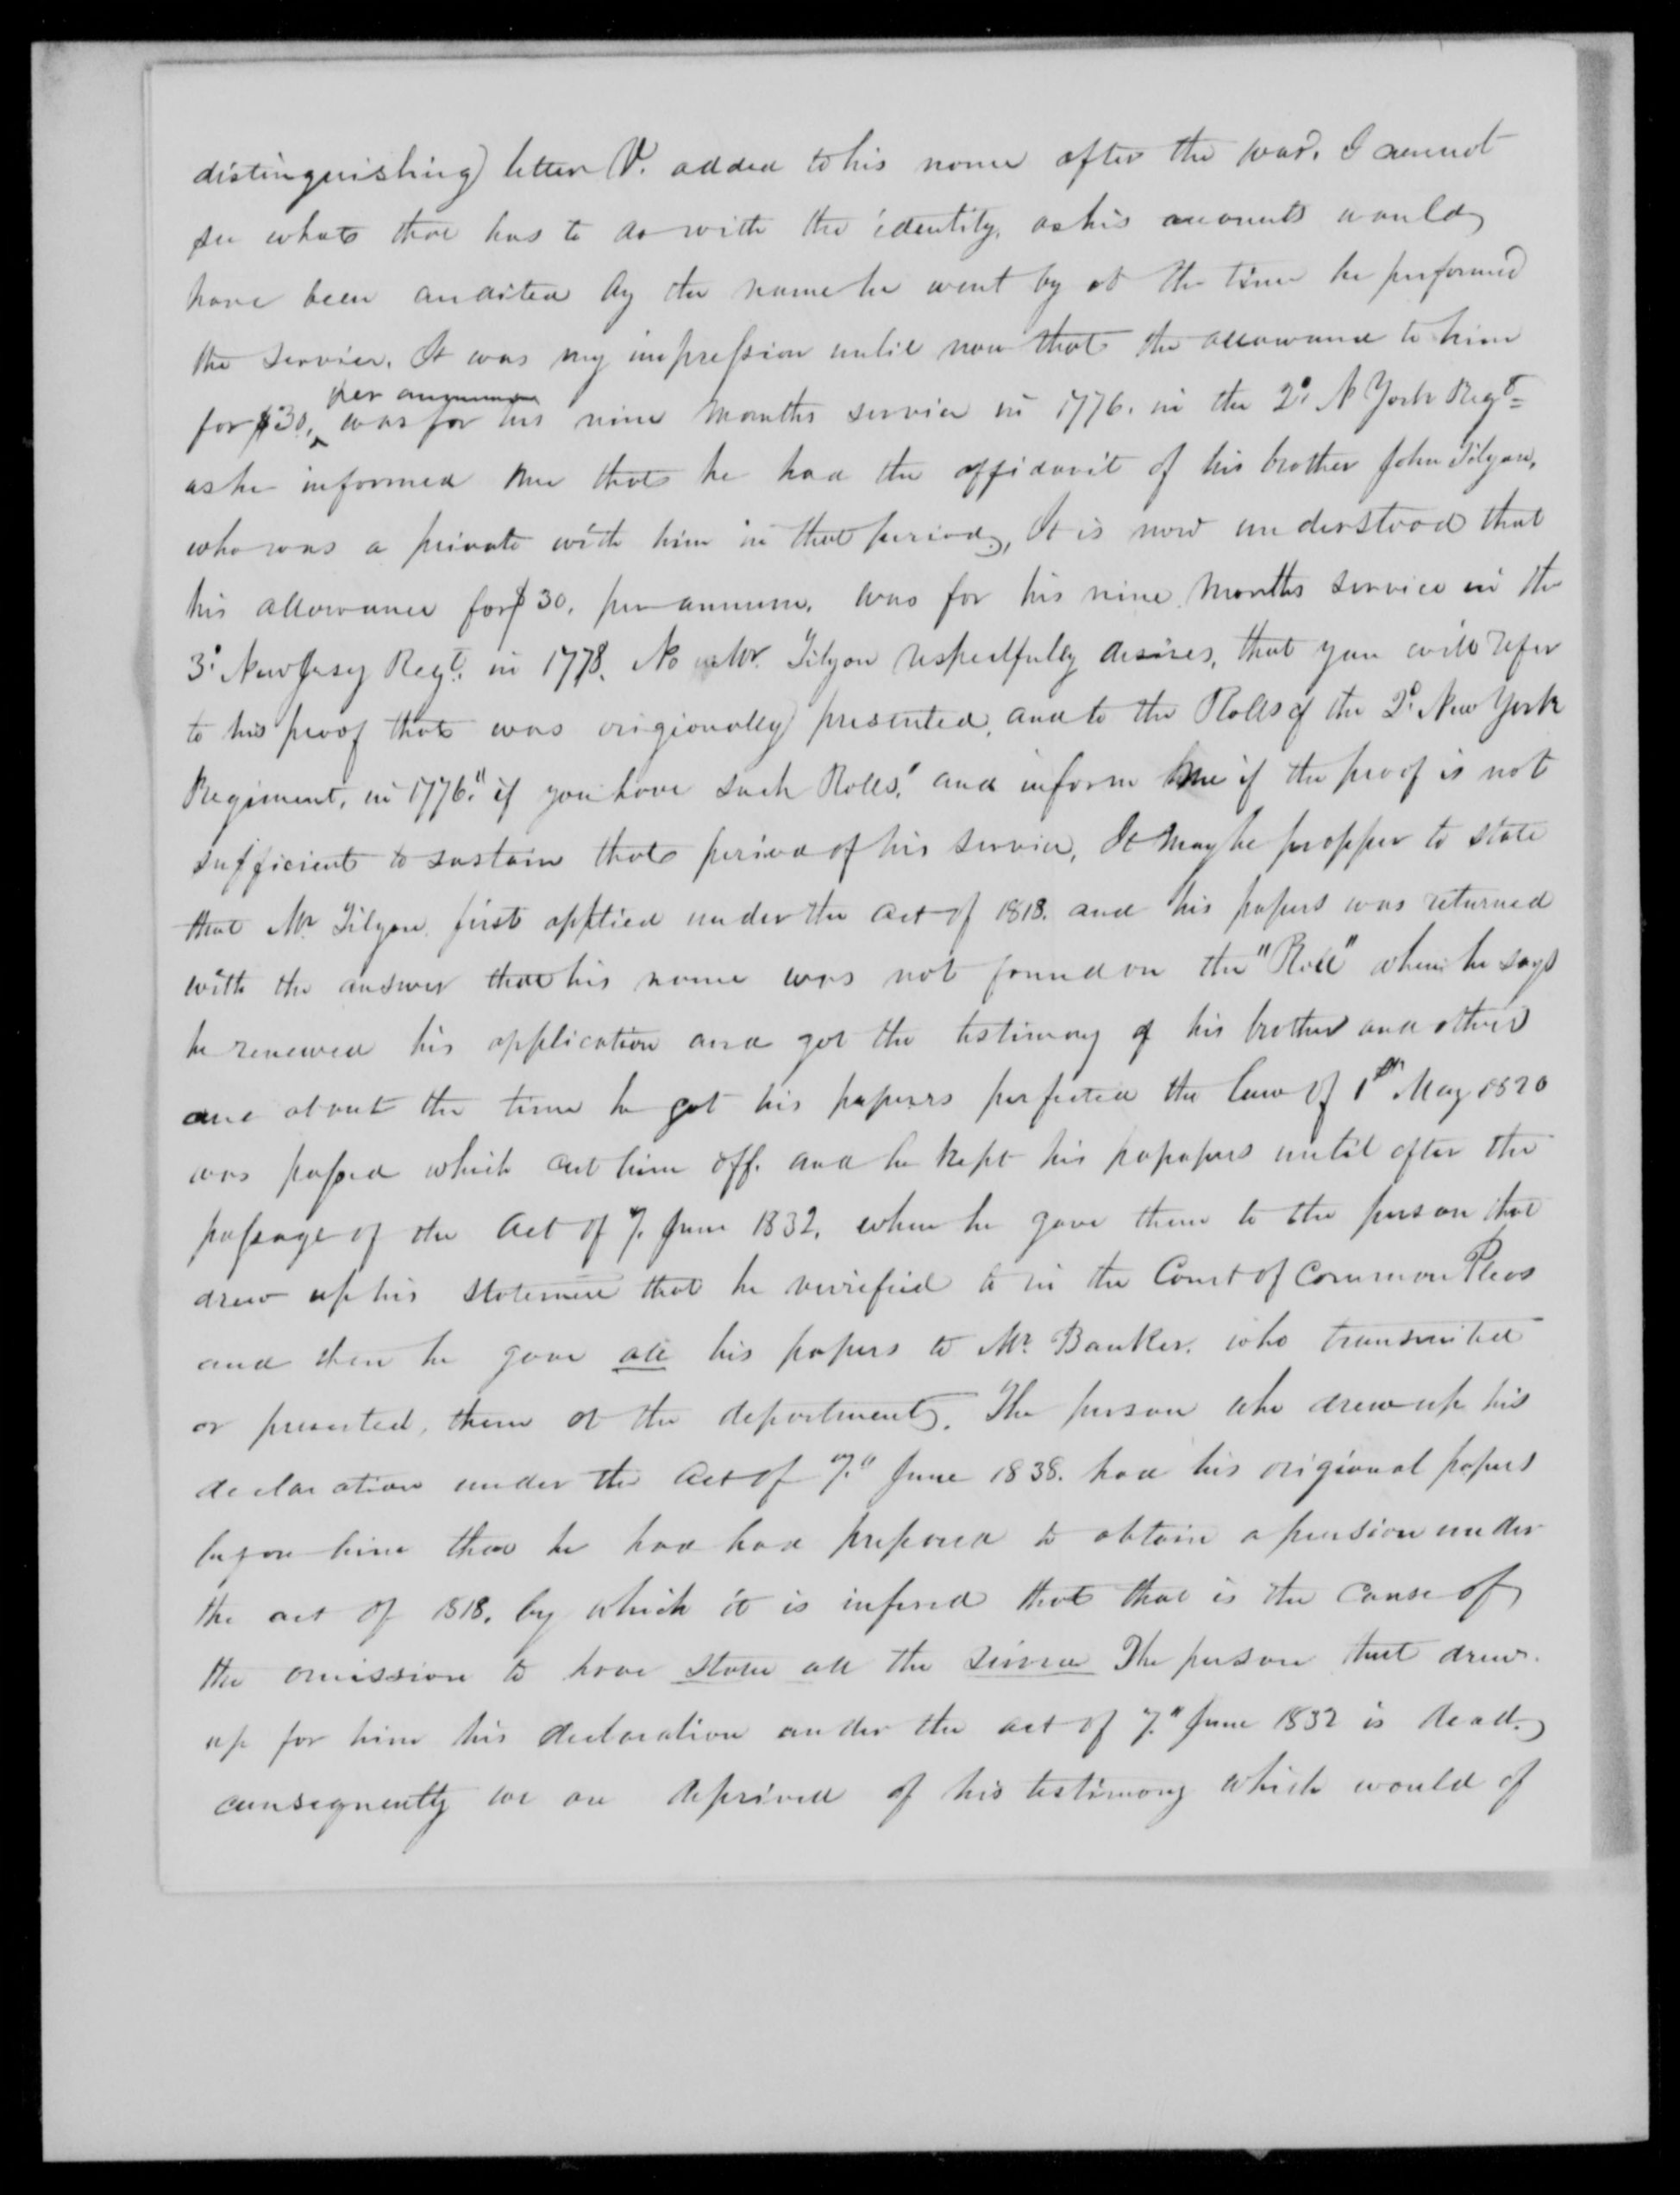distinguishing letter V. added to his name after the war. I cannot see what that has to do with the identity as his account would have been audited by the name he went by at the time he performed the service. It was my impression until now that the allowance to him for $30. per annumm was for his nine months service in 1776. in the 2nd NYork Regt. as he informed me that he had the affidavit of his brother John Tilyou, who was a private with him in that period. It is now understood that his allowance for $30. per annumm, was for his nine months service in the 3rd New Jersey Regt. in 1778. So Mr. Tilyou respectfully desires, that you will refer to his proof that was originally presented and to the Rolls of the 2nd New York Regiment, in 1776. " if you have such Notes" and inform me if the proof is not sufficient to sustain that period of his service. It may be propper to state that Mr. Tilyou first applied under the Act of 1818 and his paper was returned with the answer that his name was not found on the "Roll" where he says he renewed his application and got the testimony of his brother and others about the time he got his papers perfected the law of 1st May 1820 on paper which cut him off, And he kept his papers until after the passage of the Act of 7 June 1832, when he gave them to the person that drew up his statement that he verified to in the Court of Common Pleas and then he gave all his papers to Mr. Bankes who transcribed & presented them at the department. The person who drew up his declaration under the Act of 7. June 1838. had his original papers before him when he had had prepared to obtain a pension under the act of 1818. by which it is infered that that is the cause of the omission to have started all the issues The person that drew up for him his declaration under the Act of 7. June 1832 is dead. Consequently we are deprived of his testimony which would of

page: 89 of 101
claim: widow's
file: W. 25481, for Peter V Tilyou, New Jersey